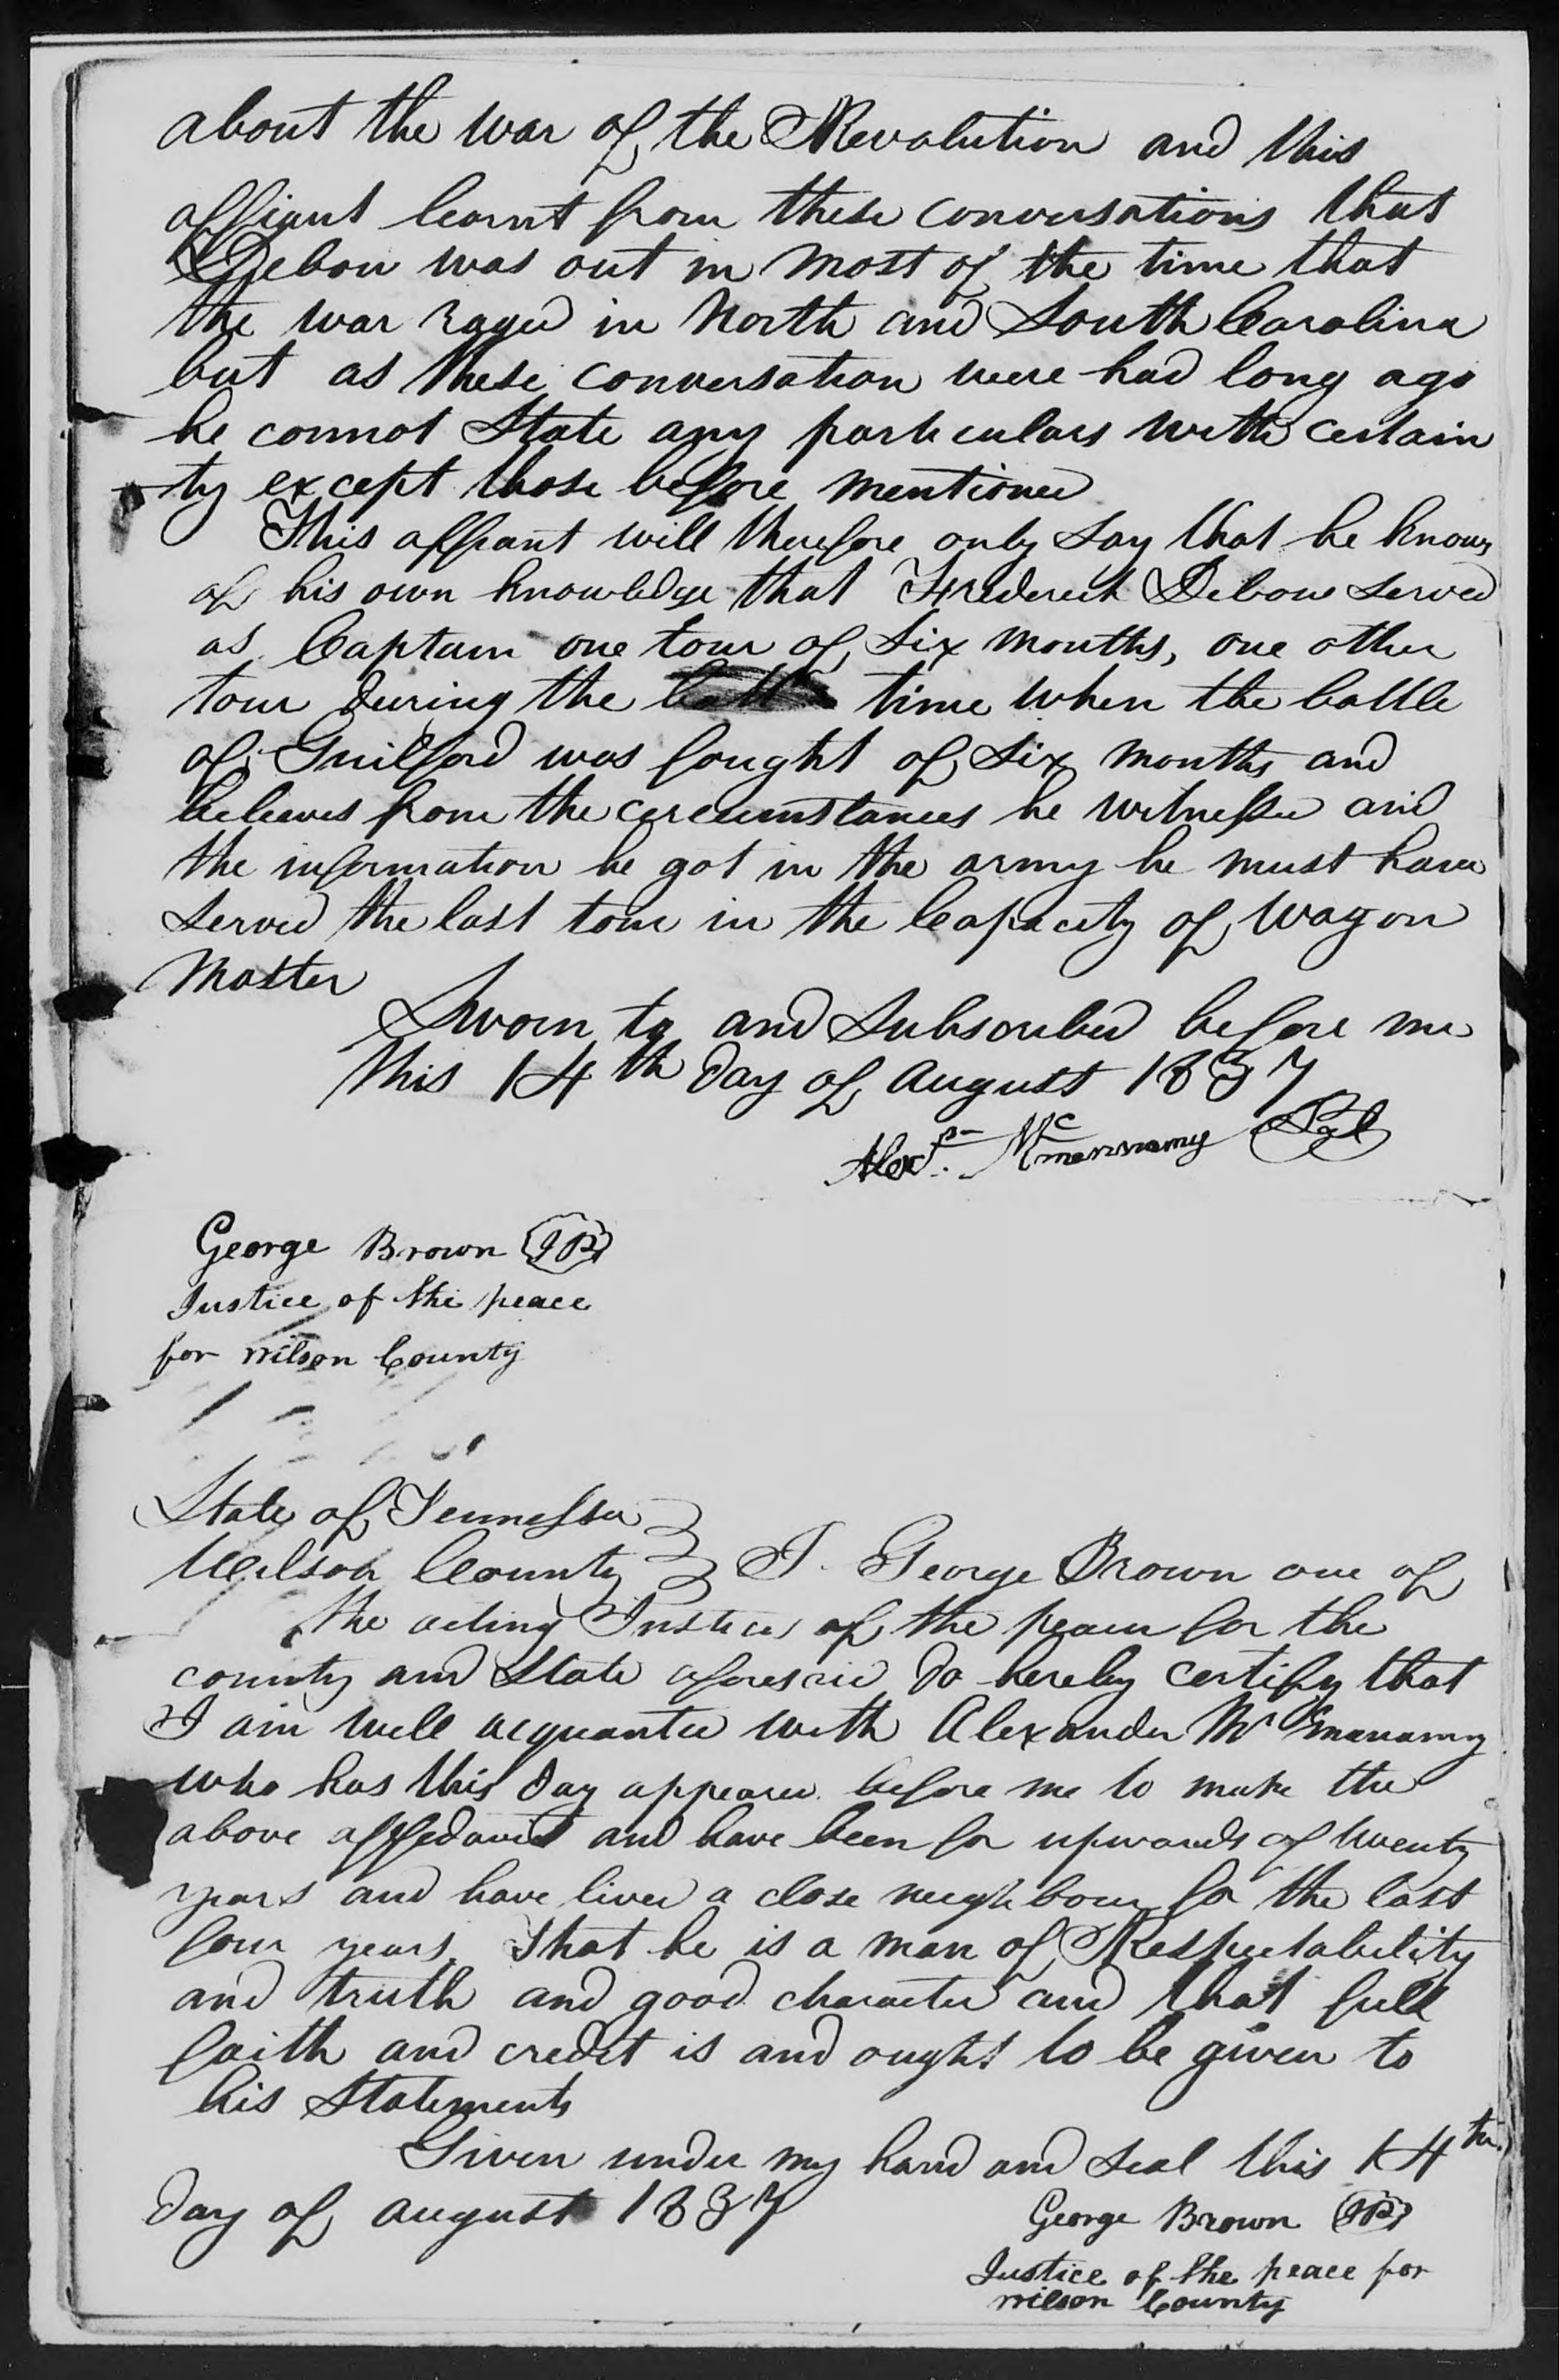About the War of the Revolution and this affiant learnt from these conversations that Debow was out in most of the time that the war raged in North and South Carolina but as this conversation were had long ago he cannot state any particulars with certain-ty except those before mentioned.
This affiant will therefore only say that he knows of his own knowledge that Frederick Debow served as Captain one tour of six months, one other tour during the time when the battle of Guildford was fought of six months and believed from the circumstances he witnessed and the information he got in the army he must have served the last tour in the capacity of Wagon Master.
Sworn to and subscribed beoer em this 14th day of August 1887.
Alexander McMennamy {seal]

George Brown [JP Seal]
Justice of the Peace
For Wilson County
State of Tennessee}
Wilson County}  I Goerge Brown one of the acting Jutices of the Peace for the county and state aforesaid do hereby certify that I am well acquainted with Alexander McMennamy who has this day appeared before me to make the above affidavit and have been for upwards of twenty years and have lived a close neighbor for the lasat four years. That he is a man of respectability and truth and good character and that full faith and credit is and ought to be given to his statements.
Given under my hand and seal this 14th day of August 1837.
George Brown [JP seal]
Justice of the Peace for Wilson County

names: George Brown, Alexr Mcmennamy, Alexander Mc Manamy, Debow, George Brown, George Brown, Frederick Debow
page: 59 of 62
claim: widow's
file: W 7005, Frederick Debow, N.C.